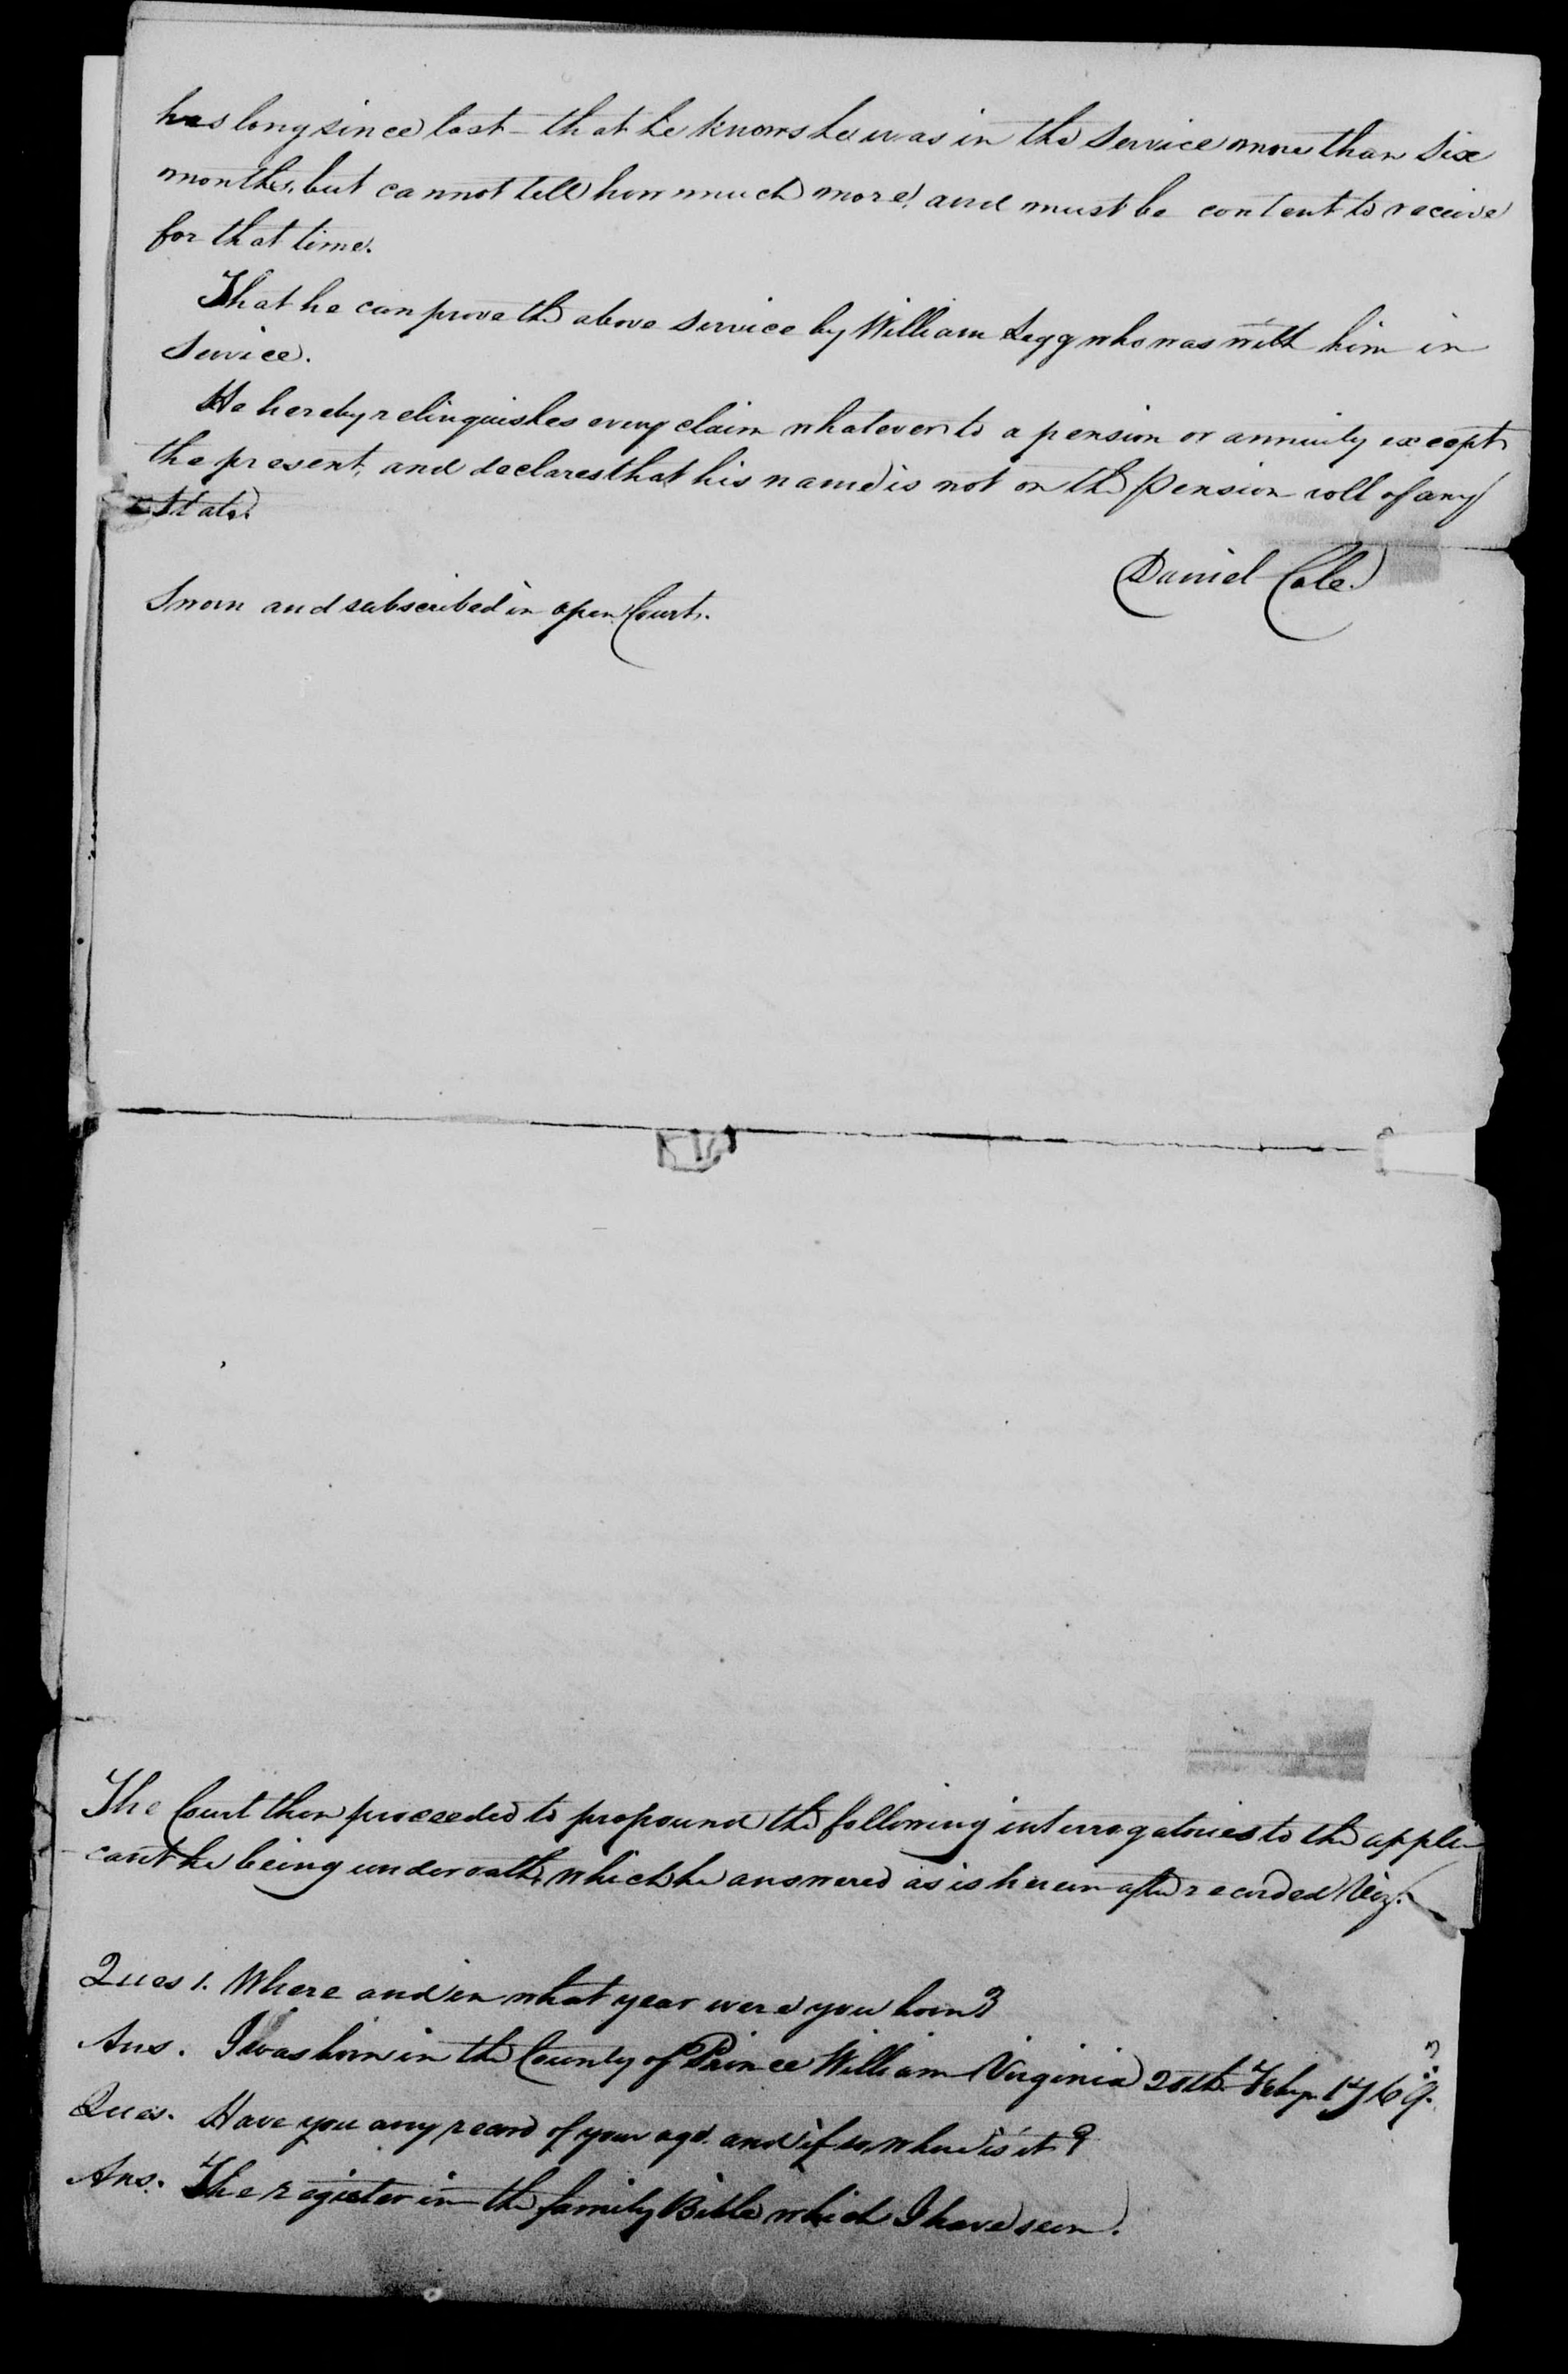has long since lost _ that he knows he was in the Service more than six months, but cannot tell how much more and must be content to receive for that time.

That he can prove the above service by William Legg who was with him in Service.

He hereby relinquishes every claim whatever to a pension or annuity except the present, and declares that his name is not on the pension roll of any State.

Daniel Cole

Sworn and subscribed in open Court.


The Court then proceeded to propound the following interrogatories to the applicant he being under oath, which he answered as is herein after recorded accordingly.

Ques 1. Where and in what year were you born?
Ans. I was born in the County of Prince William Virginia 20th Feby. 1769?
Ques. Have you any record of your age and if so, where is it?
Ans. The register in the family Bible which I have seen.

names: William Legg, Daniel Cole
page: 5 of 61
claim: survivor's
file: S. 8236, Daniel Cole, Va.